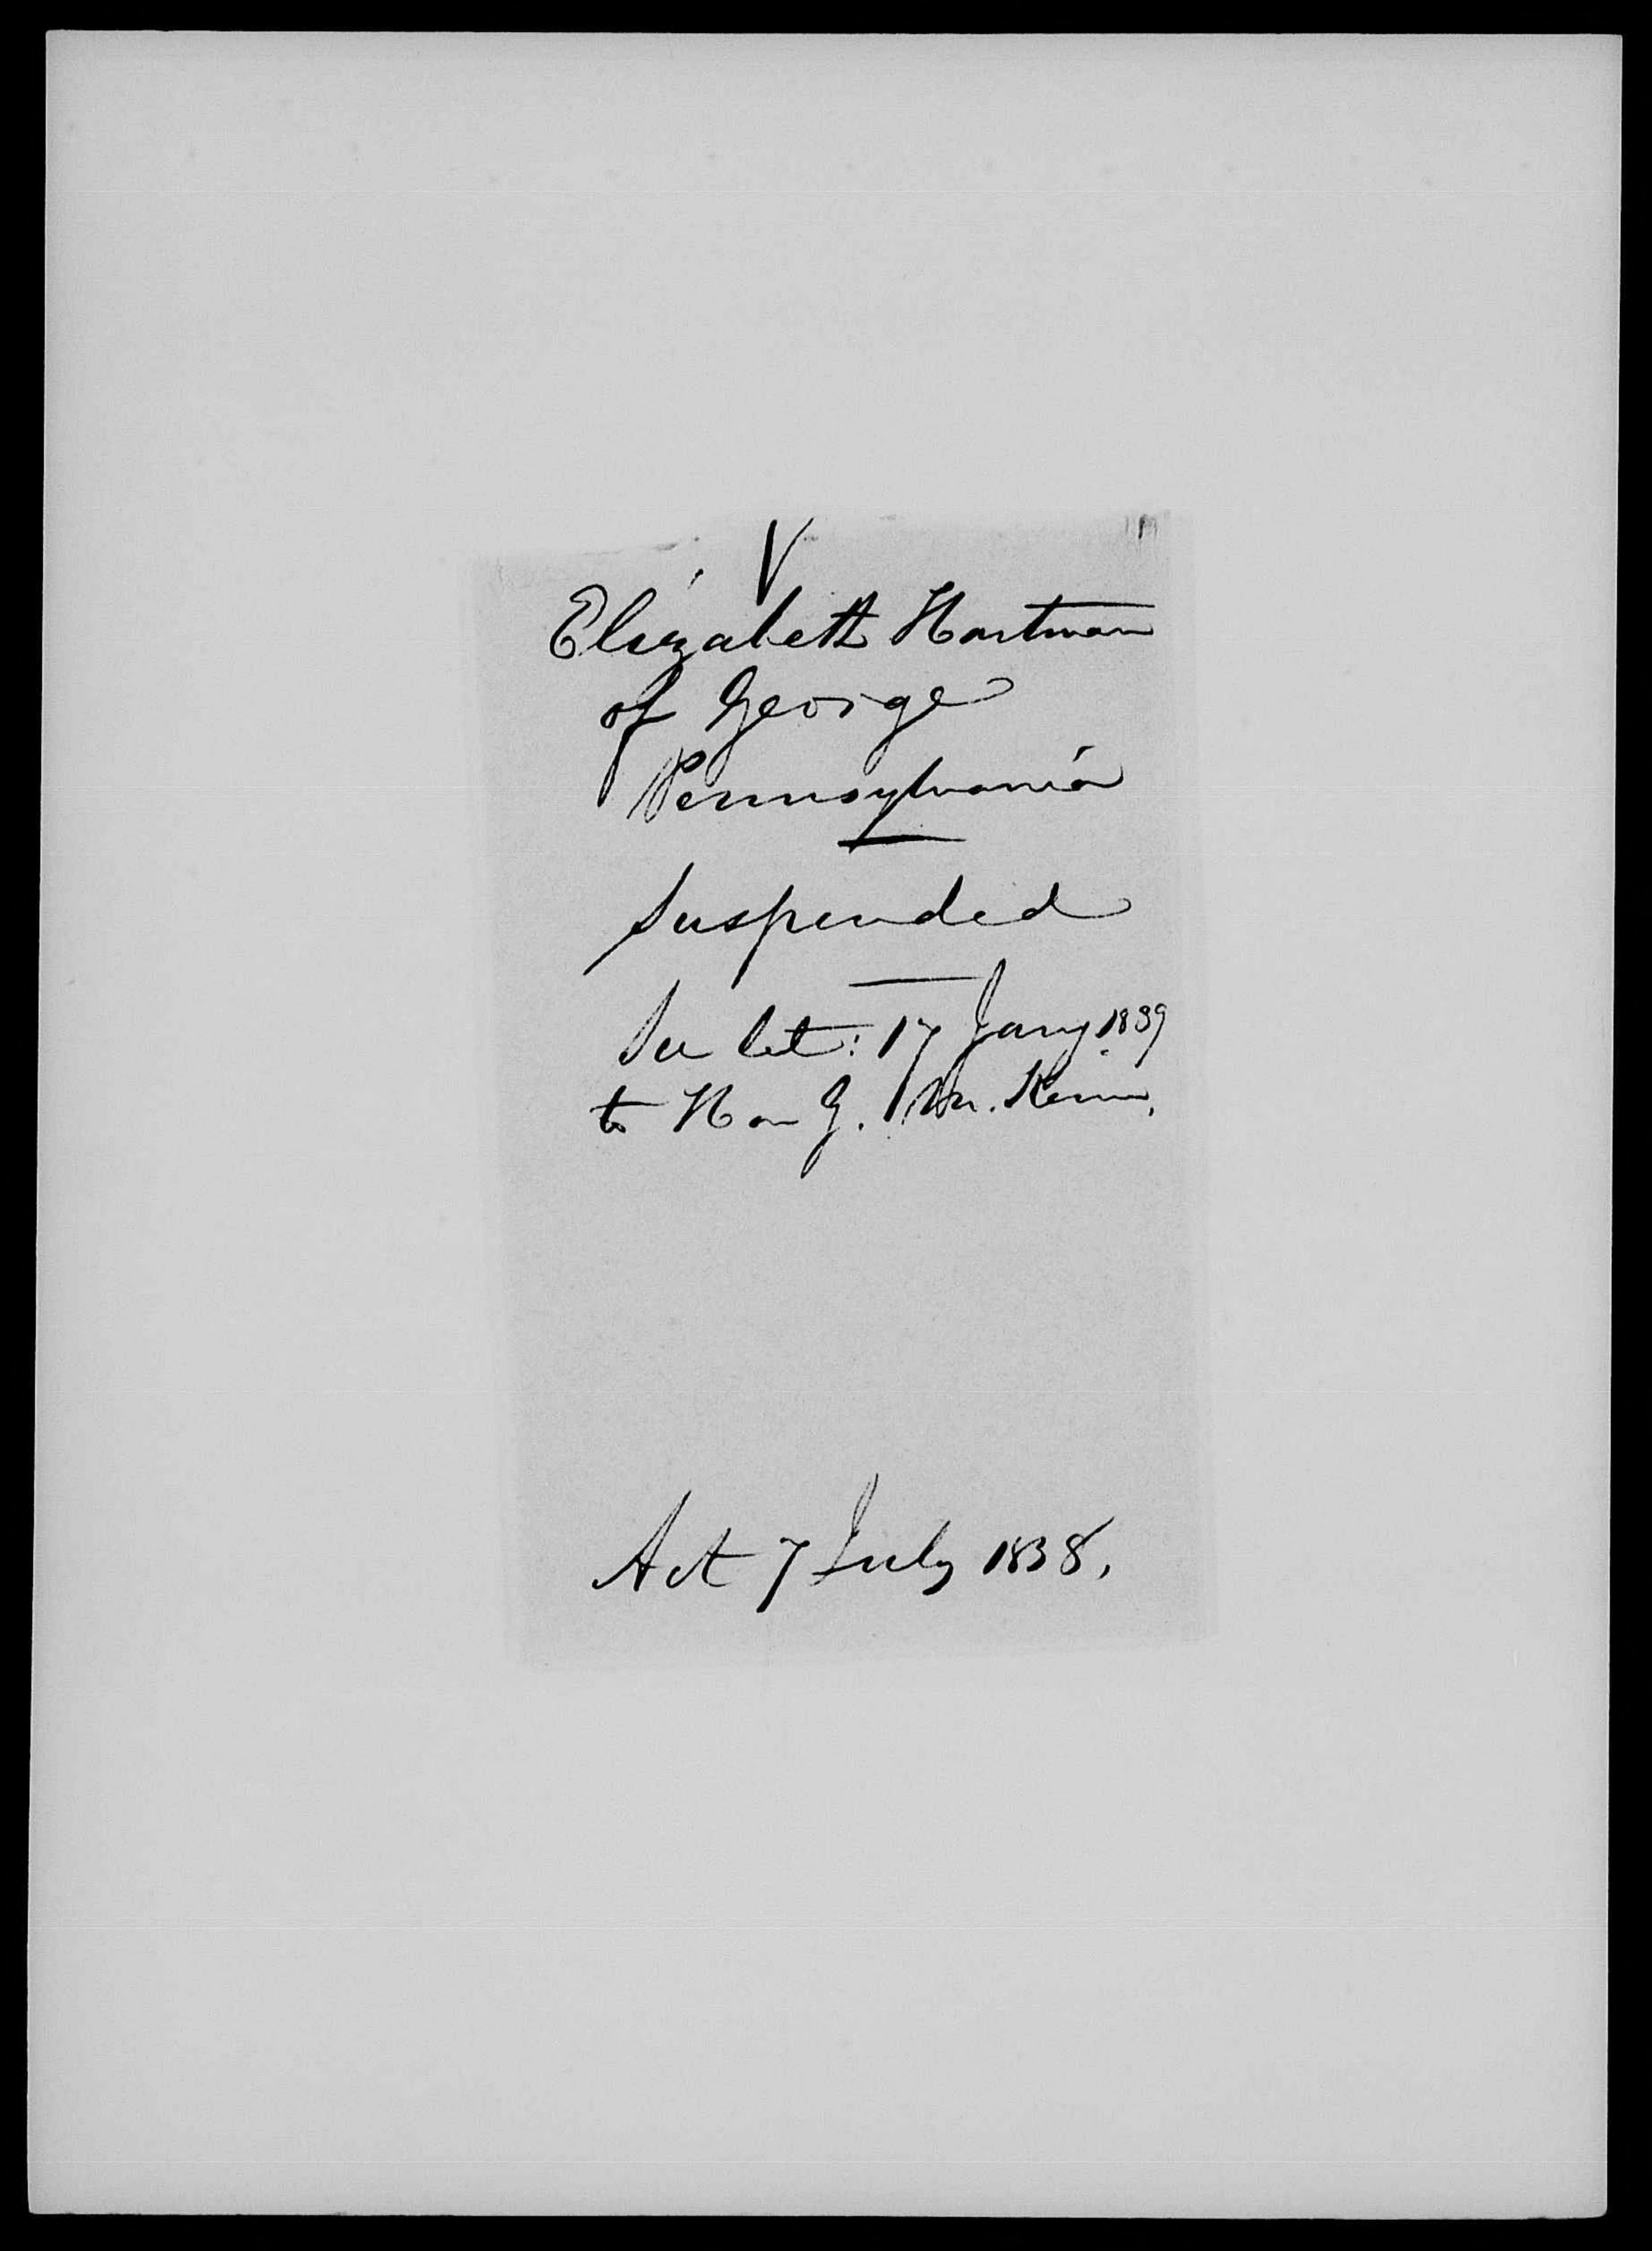Elizabeth Hortman
of George
Pennsylvania
Suspended
[illegible]: 17 Jany 1839
to [illegible] on G. M. Keim
Act 7 July 1838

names: Elizabeth Hartman, George Hartman, G M Keim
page: 19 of 29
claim: widow's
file: W. 2,789, George Hartman, New Jersey